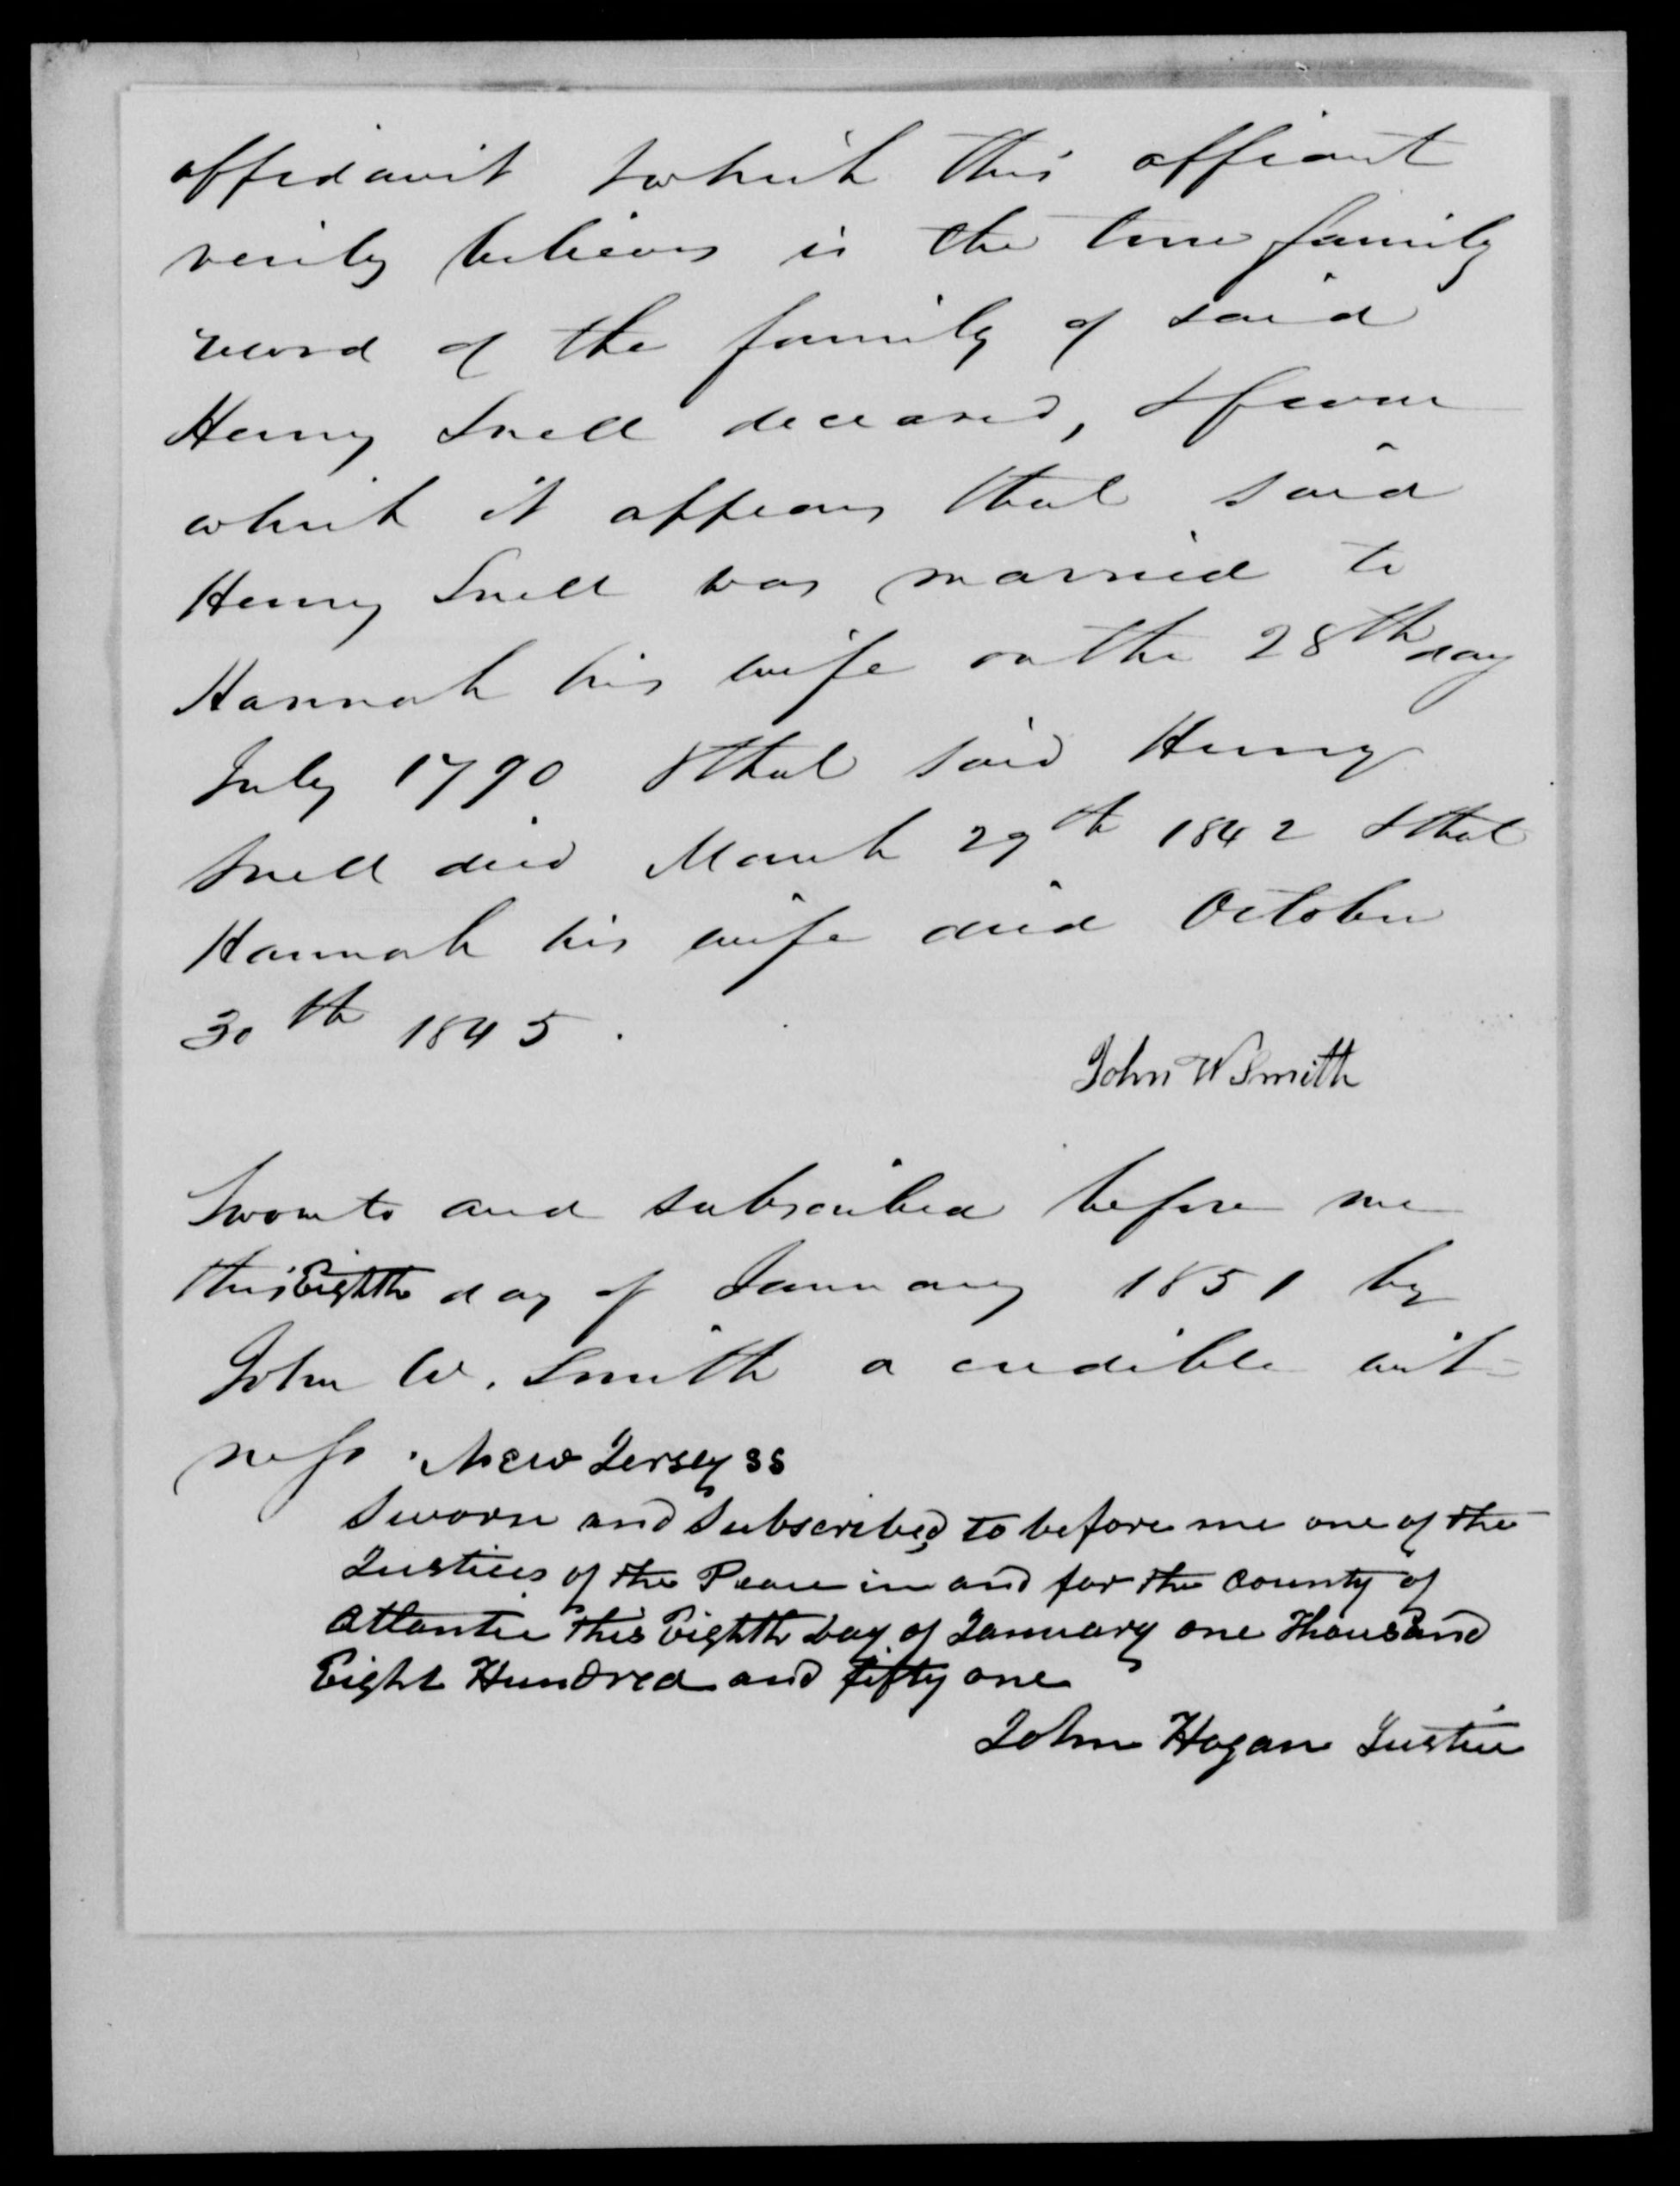Affidavit & which the affiant verily believes is the tens family record of the family of said Henry Snell deceased, & from which it appears that said Henry Snell was married to Hannah his wife on the 28th day of July 1790 & that said Henry Snell died March 29th 1842 & that Hannah his wife died October 30th 1845
[signed]
John W Smith

Sworn and subscribed before me this Eighth day of January 1851 by John W. Smith a credible witness New Jersey
Sworn and subscribed before me one of the Justices of the Pleas in and for the County of Atlantic this Eighth day of January one Thousand Eight Hundred and fifty one
John Hogan Justice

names: Henry Snell; John W Smith; Henry Snell; Hannah [BLANK]; John W Smith; John Hogan; Hannah [BLANK]; Henry Snell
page: 21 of 27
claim: rejected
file: R. 9,892, for Henry Snell, New Jersey